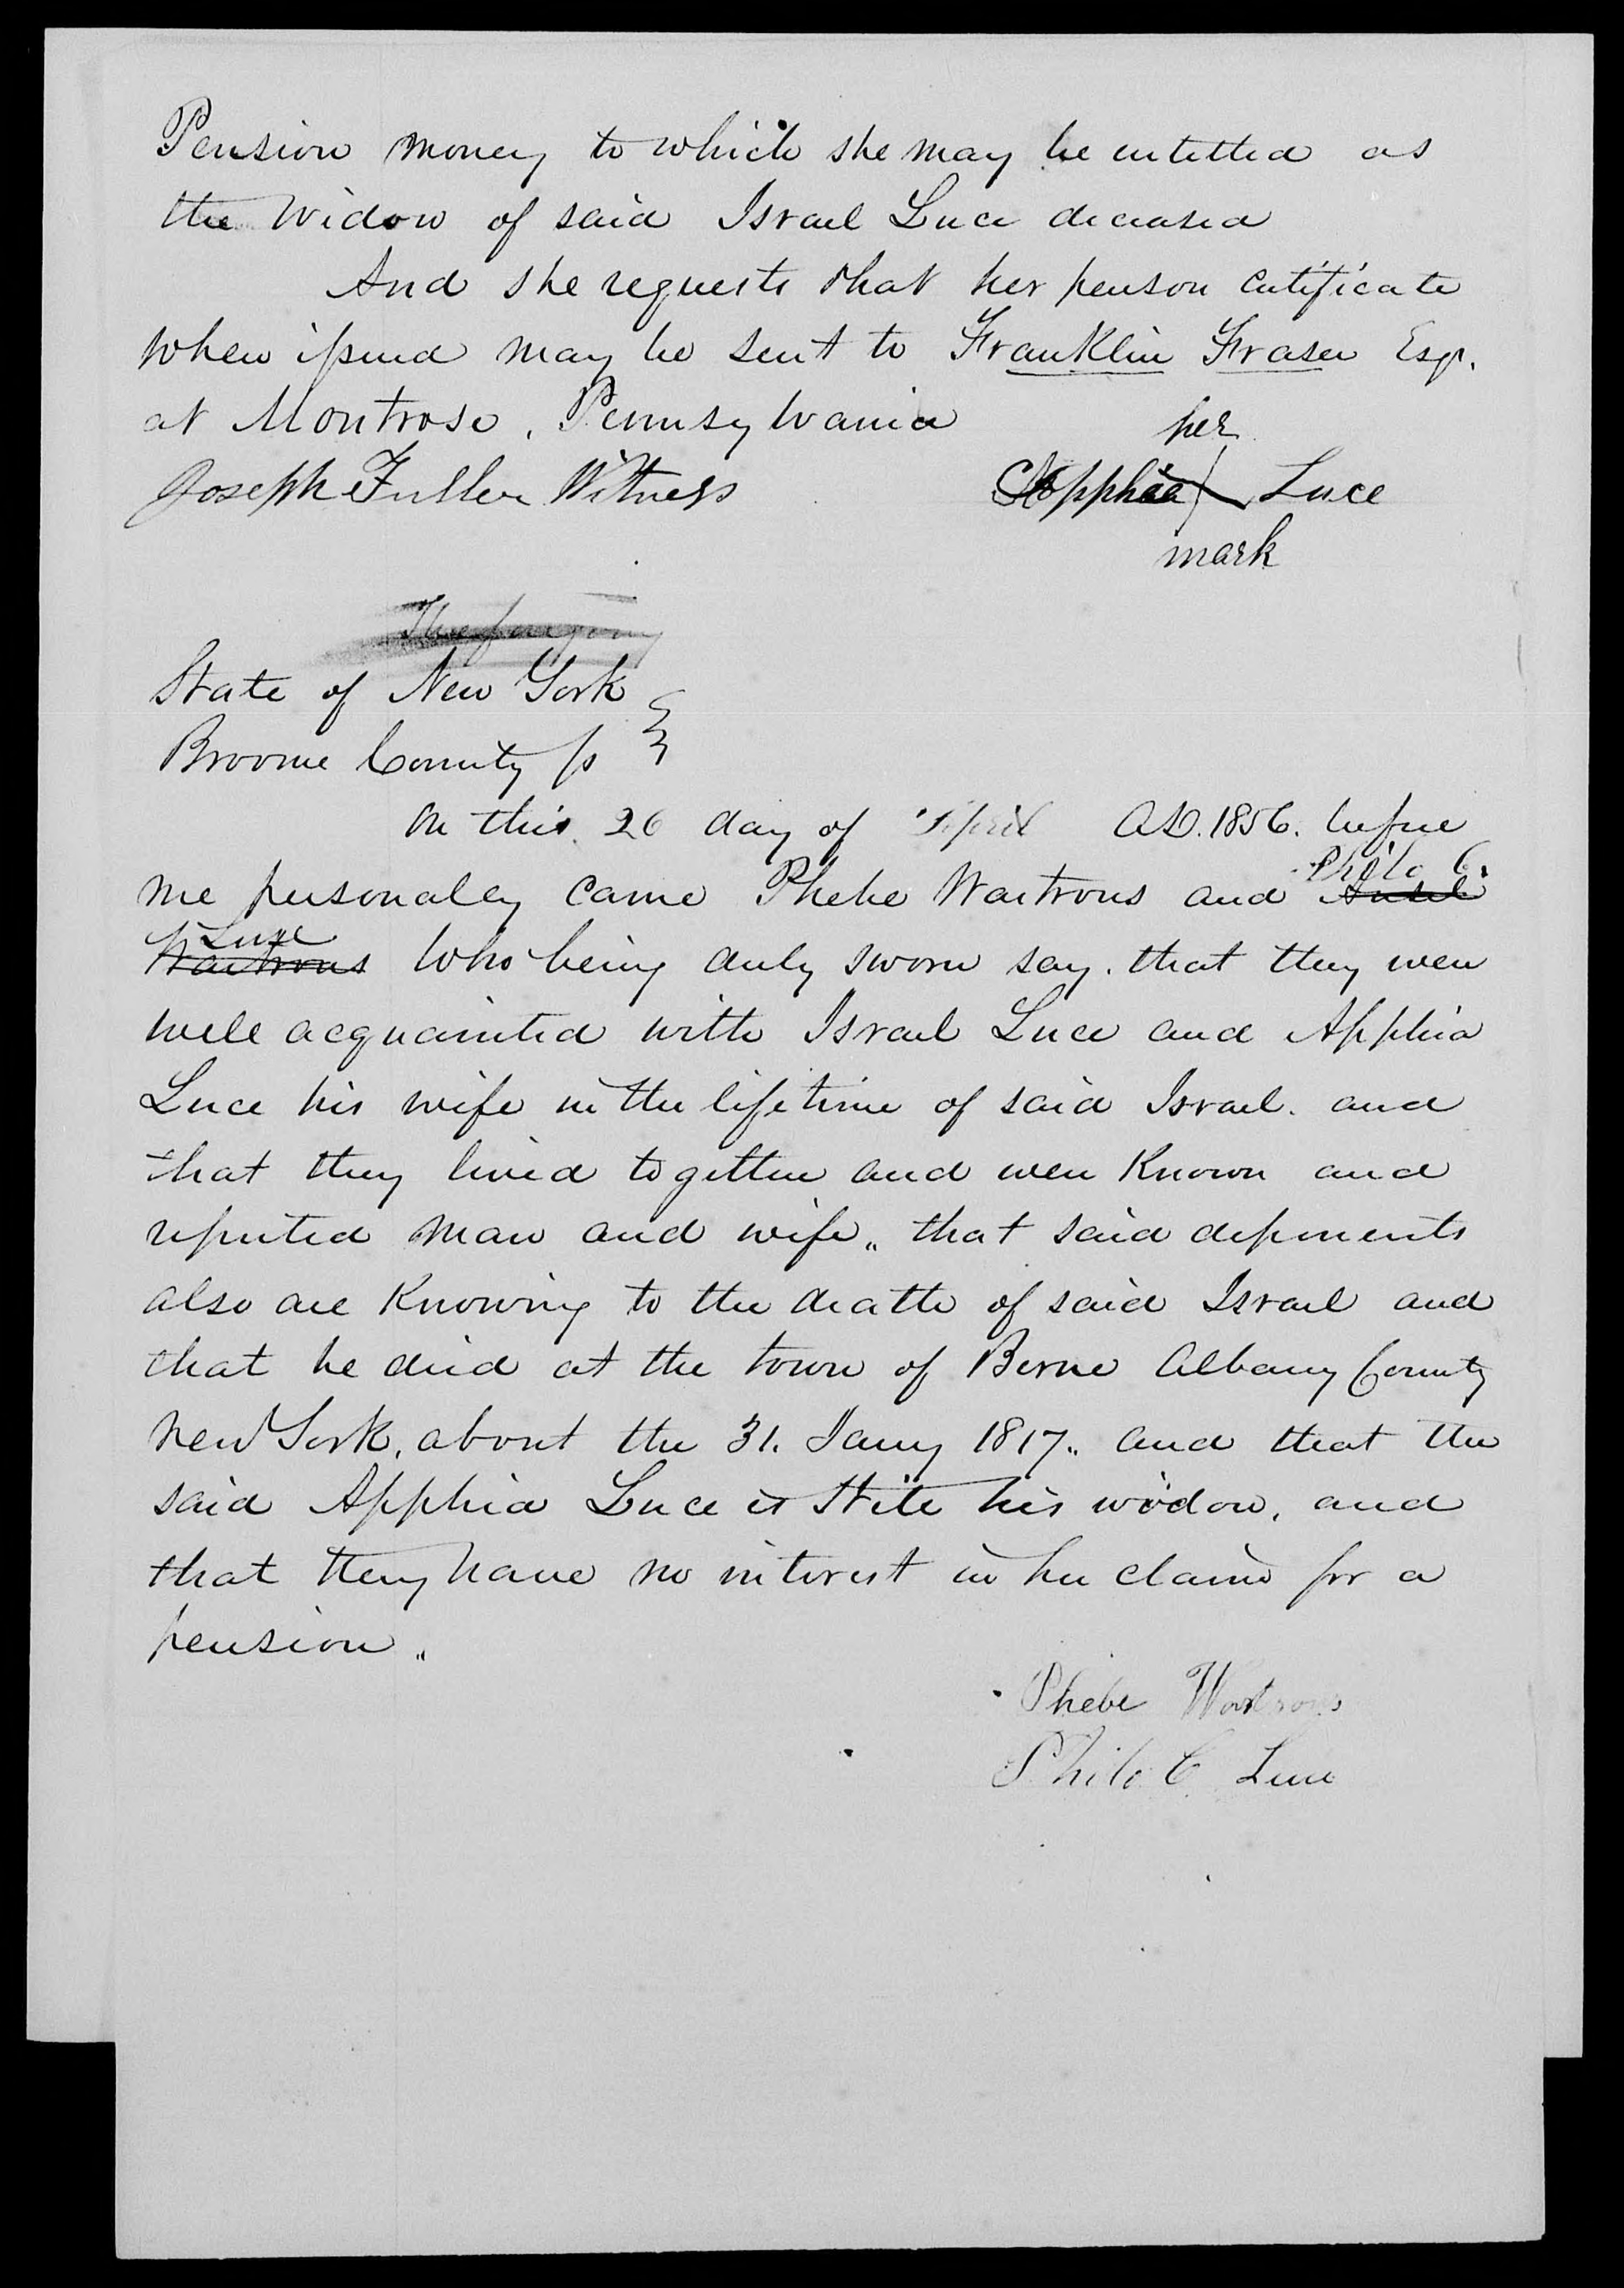Pension money to which she may be entitled as the widow of said Israel Luce deceased

And she requests that her pension certificate when issued may be sent to Franklin Fraser Esq at Montrose, Pennsylvania

[signed]
Apphia Luce
X her mark

State of New York
Broome County

On this 26 day of April AD. 1856. before me personally came Phebe Watrous and Philo C. Luce who being duly sworn say that they were well acquainted with Israel Luce and Apphia Luce his wife in the lifetime of said Israel and that they lived together and were known and reputed man and wife.  that said deponents also are knowing to the death of said Israel and that he died at the town of Berne Albany County New York about the 31 Jan'y 1817.  and that the said Apphia Luce is still his widow, and that they have no interest in her claim for a pension

[signed]
Phebe Watrous
Philo C. Luce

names: Israel Luce; Franklin Fraser; Joseph Fuller; Apphia Luce; Phebe Watrous; Philo C Luce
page: 11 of 70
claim: rejected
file: R. 6510, for Israel Luce, New York